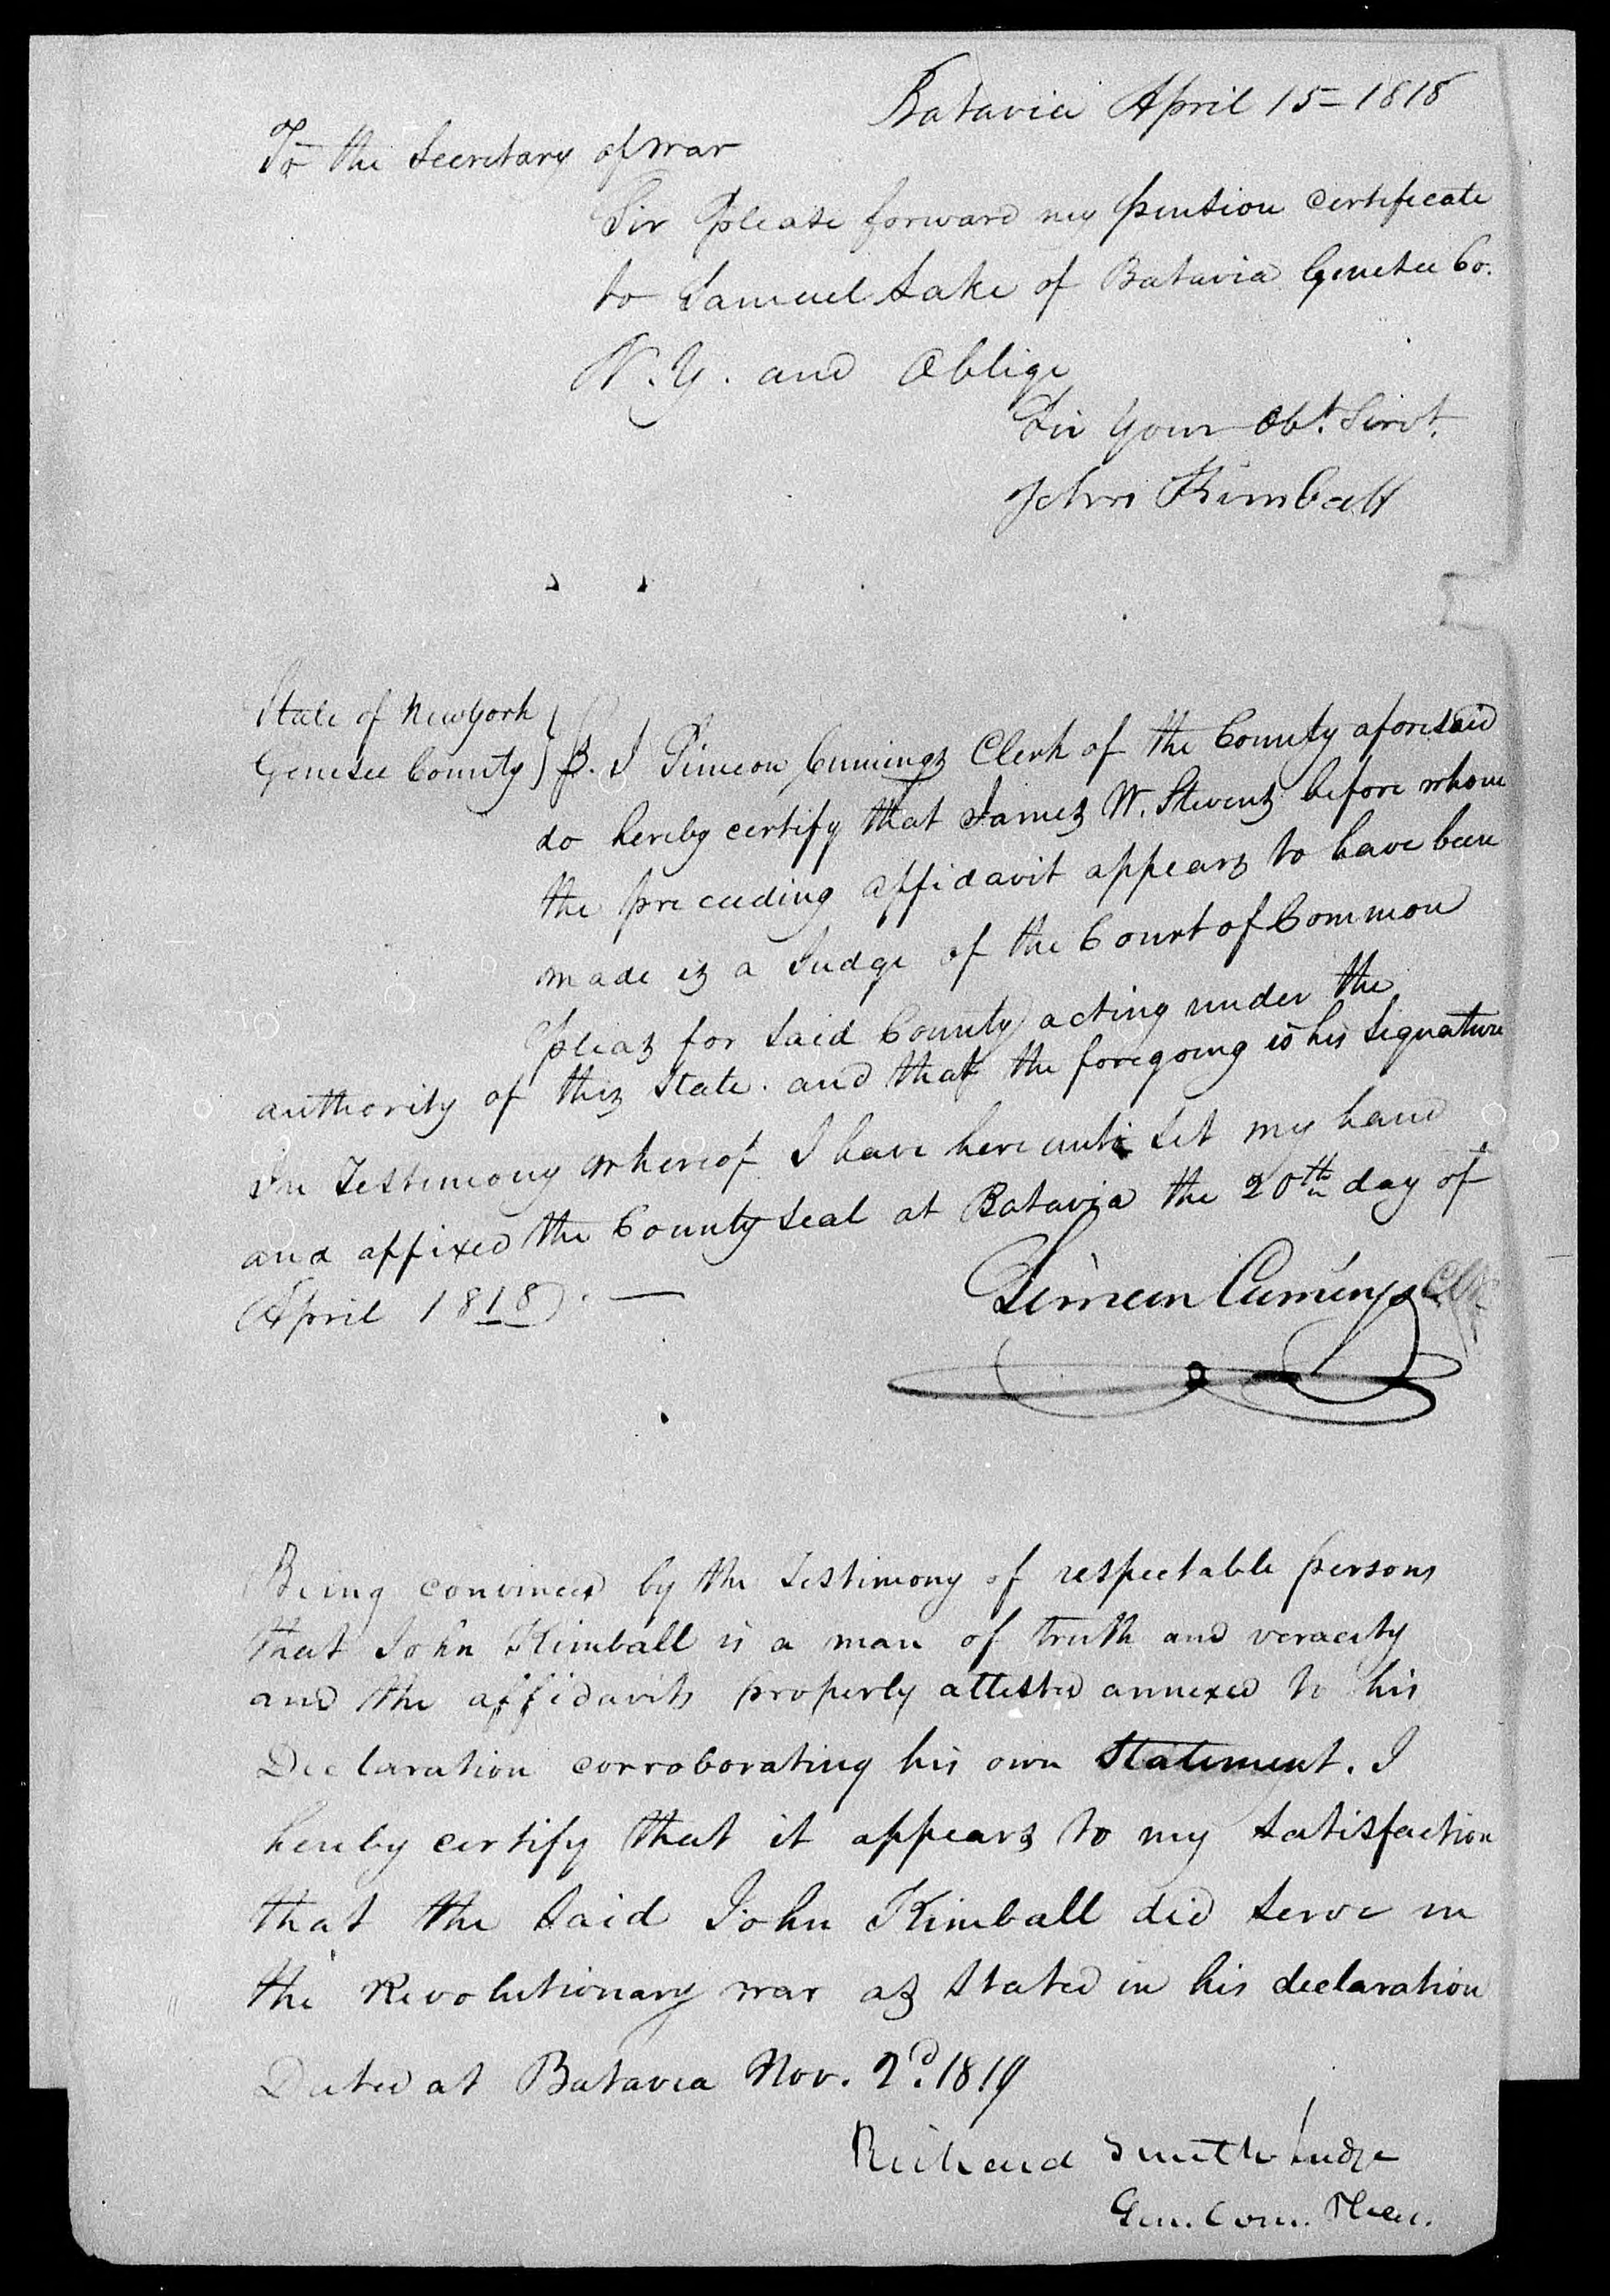Batavia April 15 - 1818
To the Secretary of War
Sir Please forward my pension certificate to Samuel Lake of Batavia Genesee Co. N.Y. and oblige
Your Obt. Servt.
John Kimball

State of New York }
Genesee County } Ss I Simeon Cumings Clerk of the County aforesaid do hereby certify that James W. Stevens before whom the preceeding affidavit appears to have been made is a Judge of the Court of Common Pleas for Said County acting under the authority of this State. and that the foregoing is his Signature In Testimony whereof I have hereunto set my hand and affixed the County Seal at Batavia the 20th day of April 1818. -
Simeon Cumings Clk

Being convinced by the Testimony of respectable persons that John Kimball is a man of truth and veracity and the affidavit properly attested annexed to his Declaration corroborating his own Statement. I hereby certify that it appears to my satisfaction that the said John Kimball did serve in the Revolutionary War as stated in his declaration
Dated at Batavia Nov. 2nd 1819
Richard Smith Judge Gen Com Pleas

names: Simeon Cumings; Richard Smith; James W Stevens; John Kimball; Samuel Lake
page: 18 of 36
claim: survivor's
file: S. 42,792, for John Kimball, Connecticut